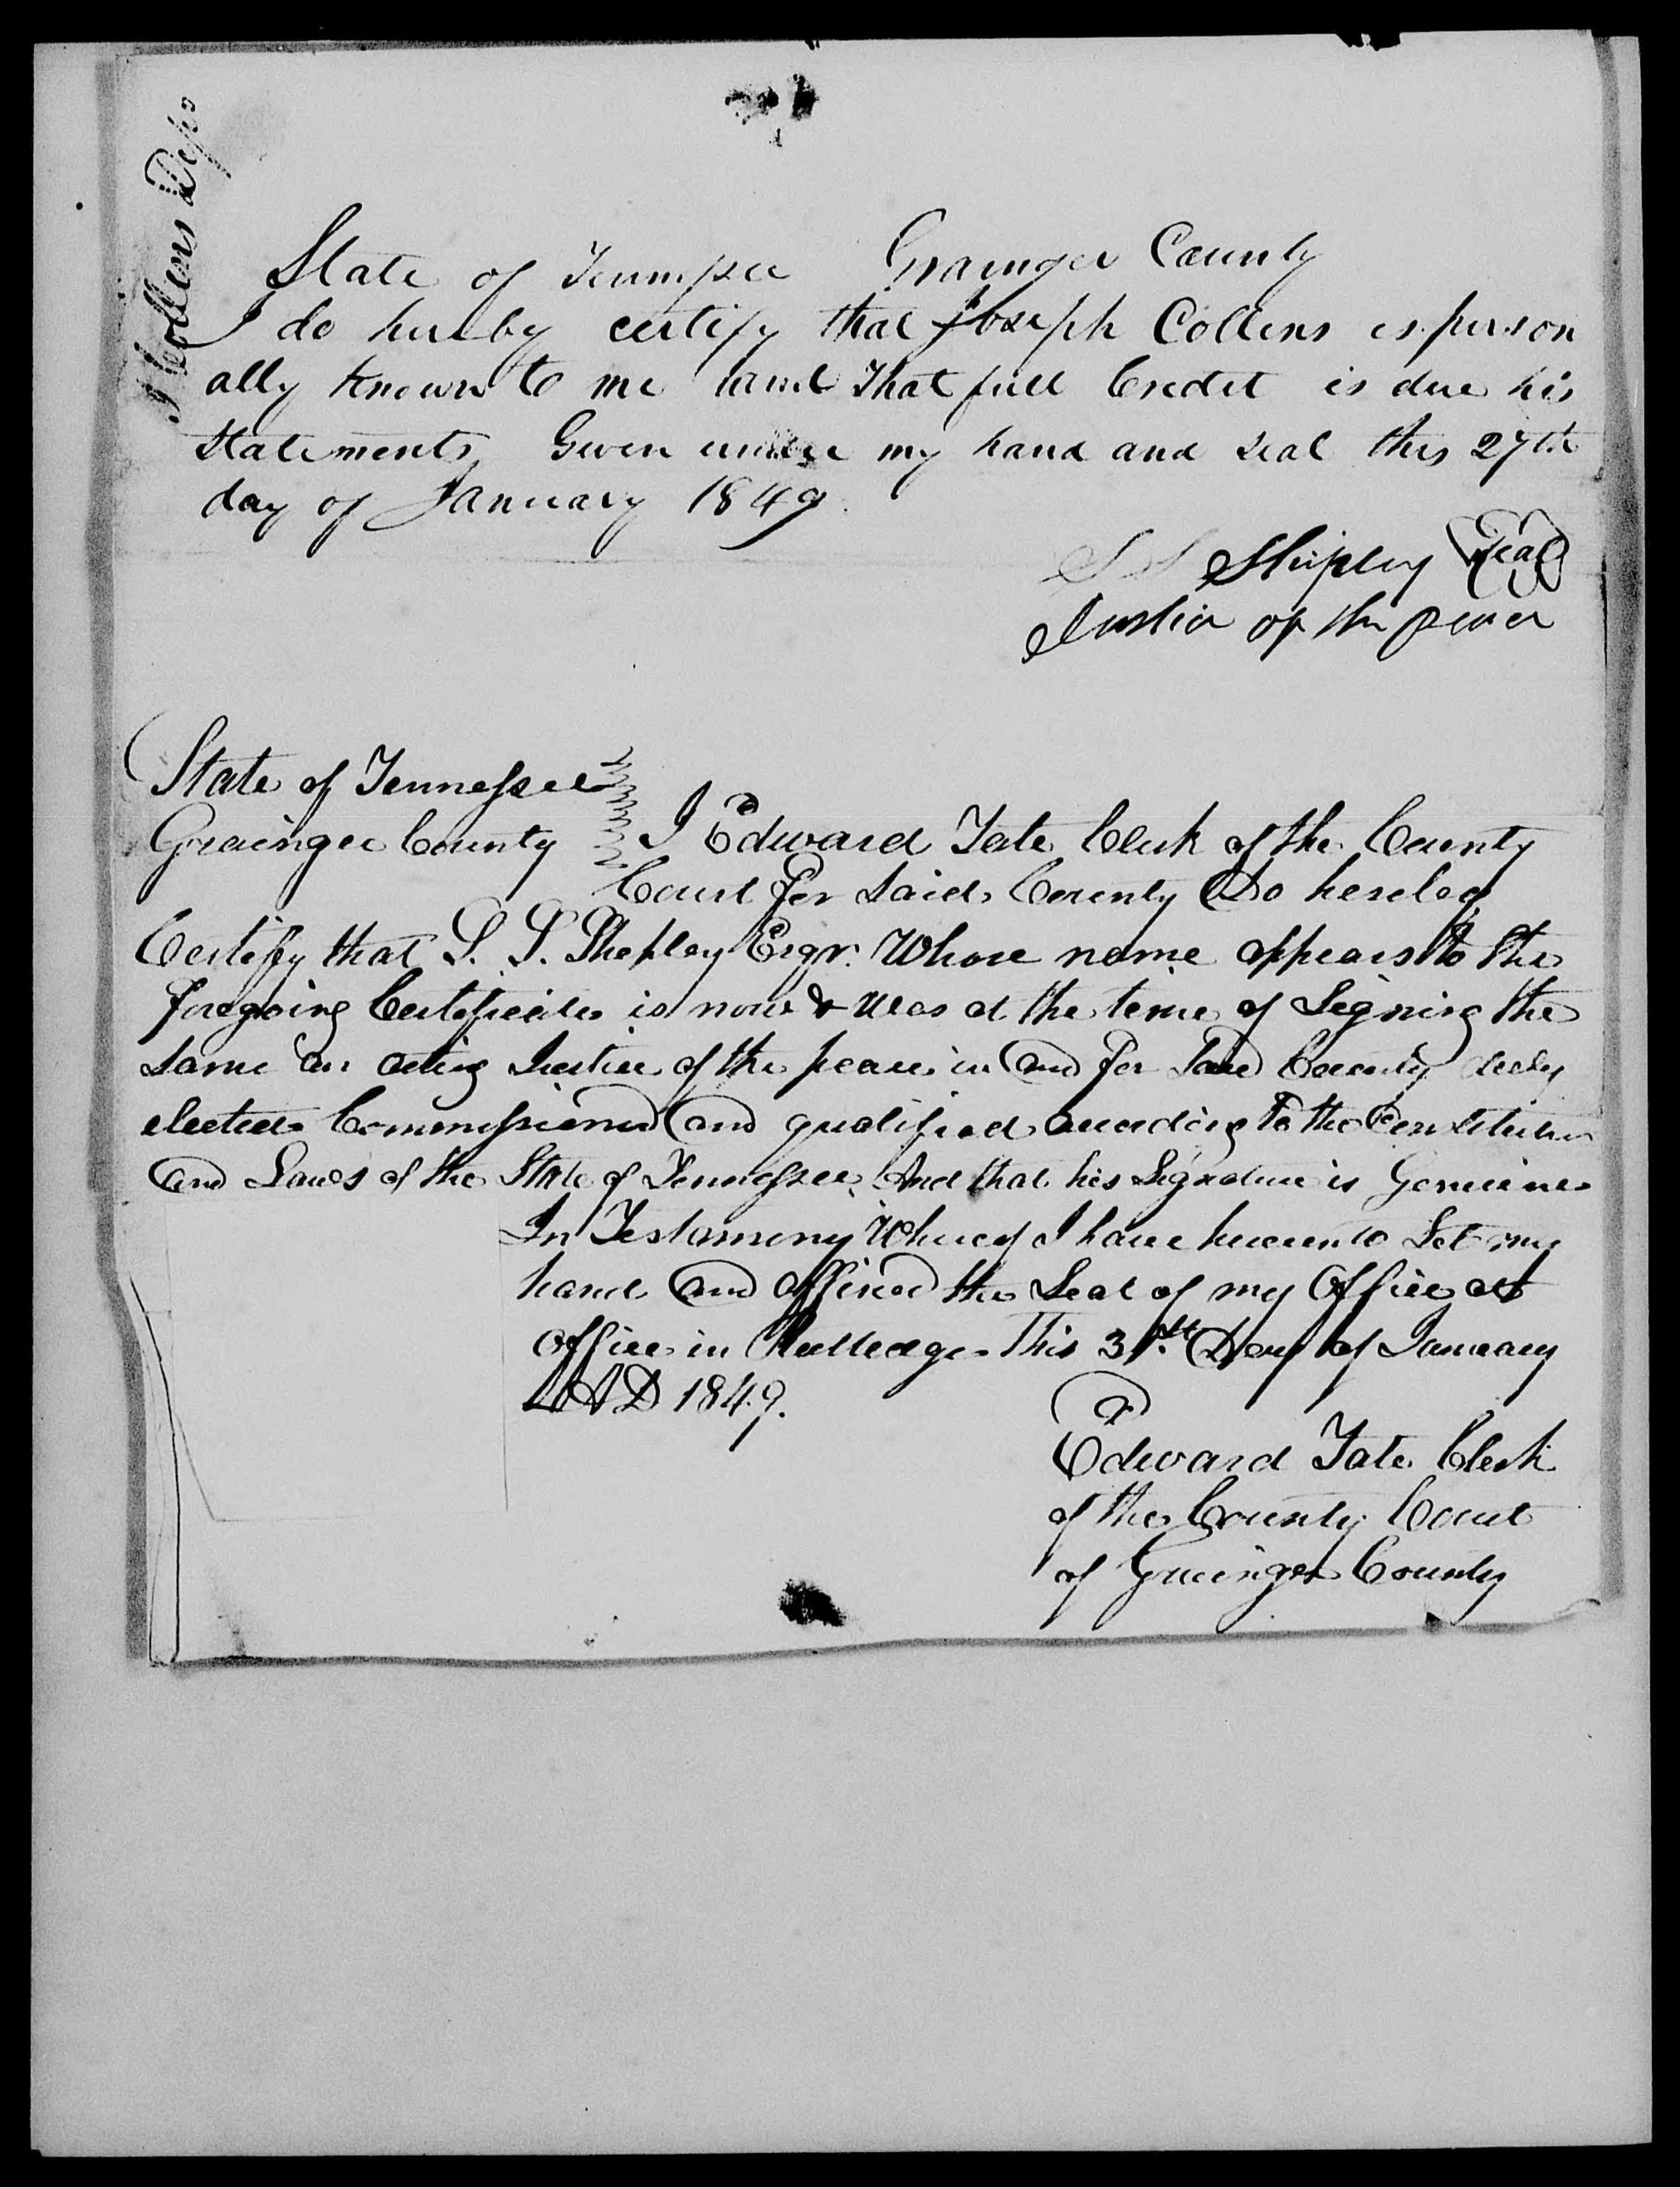[written vertically in left top margin]
J Collins Depo

State of Tennessee Grainger County
I do hereby certify that Joseph Collins is person
ally known to me and That full Credit is due his
Statements.  Given under my hand and seal this 27th
day of January 1849
S S Shipley (seal)
Justice of the peace
State of Tennessee ) 
Grainger County     )
I Edward Tate Clerk of the County
Court for said County Do hereby
Certify that S. S. Shipley Esqr. whose name appears to the
foregoing Certificate is now & was at the time of Signing the 
Same
an acting Justice of the peace in and for the County duly
elected Commissioner and qualified according to the constitution
and Laws of the State of Tennessee And that his Signature is Genuine
In Testimony whereof I have hereunto Set my
hand and affixed the Seal of my Office at
Office in Rutledge this 3rd day of January
AD 1849.
Edward Tate Clerk
of the County Court
of Grainger County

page: 47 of 120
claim: widow's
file: W. 1044, for Salathiel Martin, North Carolina